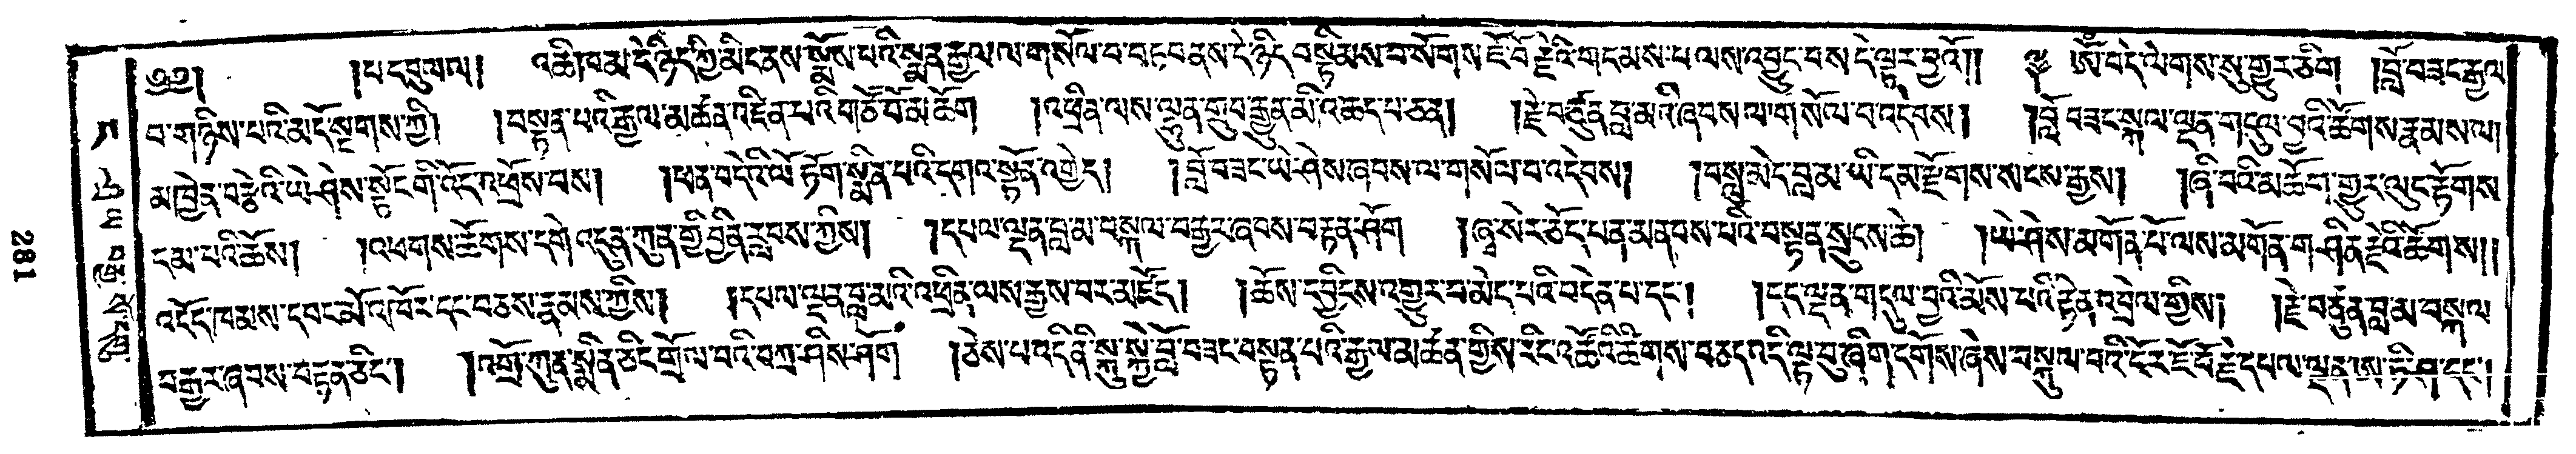༄༅། །པ་དབུལ་ལ། འཆི་ཁམ་དེ་ཉིད་ཀྱི་མིང་ནས་སྨོས་པའི་སྨན་རྒྱལ་ལ་གསོལ་བ་བཏབ་ནས་དེ་ཉིད་བསྟིམས་བ་སོགས་ཇོ་བོ་རྗེའི་གདམས་པ་ལས་འབྱུང་བས་དེ་ལྟར་བྱའོ།། ༈ ཨོཾ་བདེ་ལེགས་སུ་གྱུར་ཅིག །བློ་བཟང་རྒྱལ་
བ་གཉིས་པའི་མདོ་སྔགས་ཀྱི། །བསྟན་པའི་རྒྱལ་མཚན་འཛིན་པའི་གཙོ་བོ་མཆོག །འཕྲིན་ལས་ལྷུན་གྲུབ་རྒྱུན་མི་འཆད་པ་ཅན། །རྗེ་བཙུན་བླ་མའི་ཞབས་ལ་གསོལ་བ་འདེབས། །བློ་བཟང་སྐལ་ལྡན་གདུལ་བྱའི་ཚོགས་རྣམས་ལ།
མཁྱེན་བརྩེའི་ཡེ་ཤེས་སྟོང་གི་འོད་འཕྲོས་བས། །ཕན་བདེའི་ལོ་ཏོག་སྨིན་པའི་དགའ་སྟོན་འགྱེད། །བློ་བཟང་ཡེ་ཤེས་ཞབས་ལ་གསོལ་བ་འདེབས། །བསླུ་མེད་བླ་མ་ཡི་དམ་རྫོགས་སངས་རྒྱས། །ཞི་བའི་མཆོག་གྱུར་ལུང་རྟོགས་
དམ་པའི་ཆོས། །འཕགས་ཆོགས་དགེ་འདུན་ཀུན་གྱི་བྱིན་རླབས་ཀྱིས། །དཔལ་ལྡན་བླ་མ་བསྐལ་བརྒྱར་ཞབས་བརྟན་ཤོག །ཞྭ་སེར་ཅོད་པན་མན་བས་པའི་བསྟན་སྲུངས་ཆེ། །ཡེ་ཤེས་མགོན་པོ་ལས་མགོན་གཤིན་རྗེའི་ཆོགས།།
འདོད་ཁམས་དབང་མོ་འཁོར་དང་བཅས་རྣམས་ཀྱིས། །དཔལ་ལྡན་བླ་མའི་འཕྲིན་ལས་རྒྱས་བར་མཛོད། །ཆོས་དབྱིངས་འགྱུར་བ་མེད་པའི་བདེན་པ་དང་། །དད་ལྡན་གདུལ་བྱའི་མོས་པའི་རྟེན་འབྲེལ་གྱིས། །རྗེ་བཙུན་བླ་མ་བསྐལ་
བརྒྱར་ཞབས་བརྟན་ཅིང་། །འགྲོ་ཀུན་སྨིན་ཅིང་གྲོལ་བའི་བཀྲ་ཤིས་ཤོག །ཅེས་པ་འདི་ནི་སྐུ་སྐྱེ་བློ་བཟང་བསྟན་པའི་རྒྱལ་མཚན་གྱིས་རིང་འཚོའི་ཚིགས་བཅད་འདི་ལྟ་བུ་ཞིག་དགོས་ཞེས་བསྐུལ་བའི་ངོར་ཇོ་བོ་རྗེ་དཔལ་ལྡན་ཨ་ཏི་ཤ་དང་།